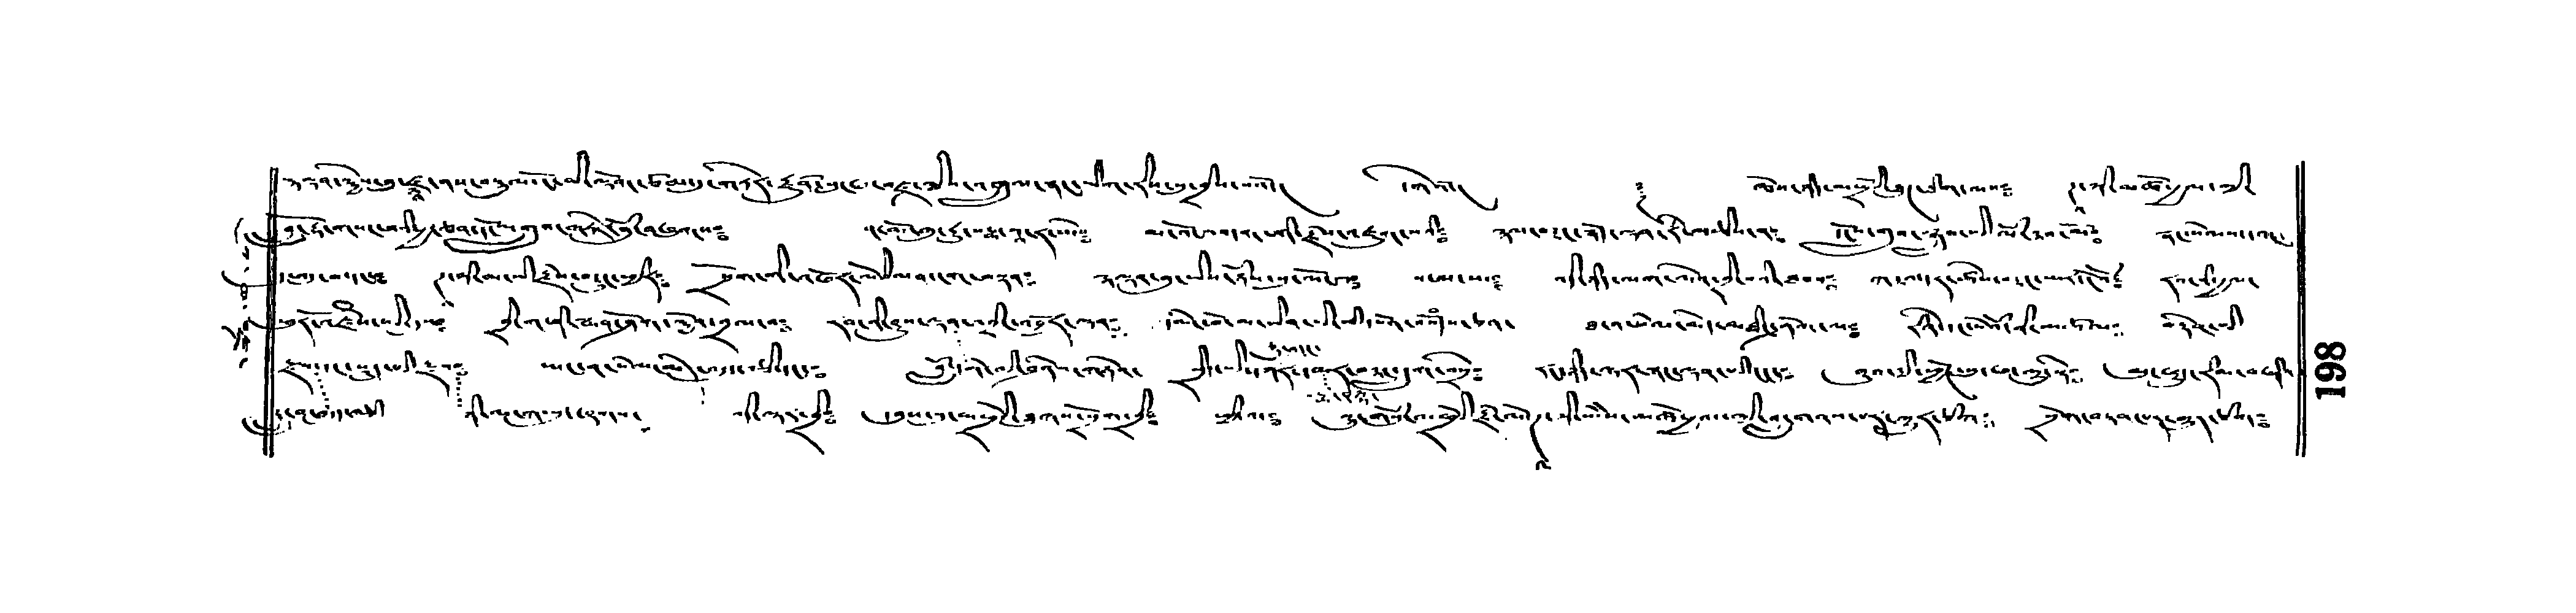སྐལ་ལྡན་སྐྱེས་བུ་ཛྙཱ་ནས་བསྐུལ་ངོར་མི་ལྡོག་ཙམ་དུ་གཏེར་རྫུན་སུ་ཁ་བཛྲ་གྱིས་འཁྲུལ་སྣང་ཡིག་རིས་སུ་བྲིས་པའོ།། དགེའོ།། ༈ ཆོས་ཉིད་མཁའ་འགྲོའི་ཐུགས་ཐིག་ལས༔ ཌཱ་ཀི་མཚོ་རྒྱལ་གྱི་
བླ་རྡོ་གསང་བའི་རྒྱ་ཅན་དངོས་གྲུབ་གཏེར་བུམ་བཞུགས༔ ན་མོ་གུ་རུ་པདྨ་ཀཱ་ར་ཡེ༔ མ་འོངས་བདག་གི་རྗེས་འཇུག་པའི༔ སྐལ་བཟང་སྣོད་ལྡན་རེ་མཆིས་ན༔ དངོས་གྲུབ་སྒྲུབ་པའི་ལམ་ཟབ་མོ༔ སྣང་སེམས་དབང་
དུ་འདུ་བ་དང༔ ཌཱ་ཀི་མ་ཡིས་རྗེས་བཟུང་ཕྱིར༔ སྲོག་གི་འཁོར་ལོའི་མན་ངག་བསྟན༔ སྐལ་ལྡན་བུ་ཡིས་ཉམས་སུ་ལོངས༔ ས་མ་ཡ༔ འདི་ཉིད་ལག་ལེན་བྲི་བའི་ཐབས༔ གཟའ་དར་ཚེས་བཟང་ཡར་ངོ་འམ༔ རབ་ནི་རྒྱལ་
ཕུར་འཛོམས་པའི་དུས༔ བྲི་གཞི་སྨན་ཤོག་སྐྱོན་བྲལ་བ༔ རབ་ནི་ནུས་ལྡན་འབྲིང་འབྱོར་ལྡན༔ ཐན་སེལ་མེད་མཐིང་ཤོག་ལ༔ རིན་ཆེན་དང་པོའམ་ནི་མཚལ༔ བརྟེན་པའི་
རྫས་དང་སྡུད་པའི་རྫས༔ ཡང་ན་སེལ་མེད་བདུད་རྩི་དང༔ སྲིད་པའི་དཀར་དམར་བཟང་དྲུག་བསྲེ༔ རང་ཉིད་ལྷར་སྣང་ལྡན་པའི་ངང༔ ནུབ་ཀྱི་ཕྱོགས་སུ་ཁ་གྱུར་ཏེ༔ མུ་ཁྱུད་རིམ་བཞིན་
འདི་ལྟར་བྲི༔ དབུས་སུ་མཁའ་འགྲོའི་ཐུགས་སྲོག་བྲི༔ ཕྱི་ལ༔ སྐུ་གསུམ་མཁའ་འགྲོའི་རྗེ་མོ་ཌཱ་ཀི་ཡེ་ཤེས་མཚོ་རྒྱལ་གྱི་བླ་གནས་པར་གྱུར་ཅིག༔ སྲོག་བརྟན་པར་གྱུར་ཅིག༔